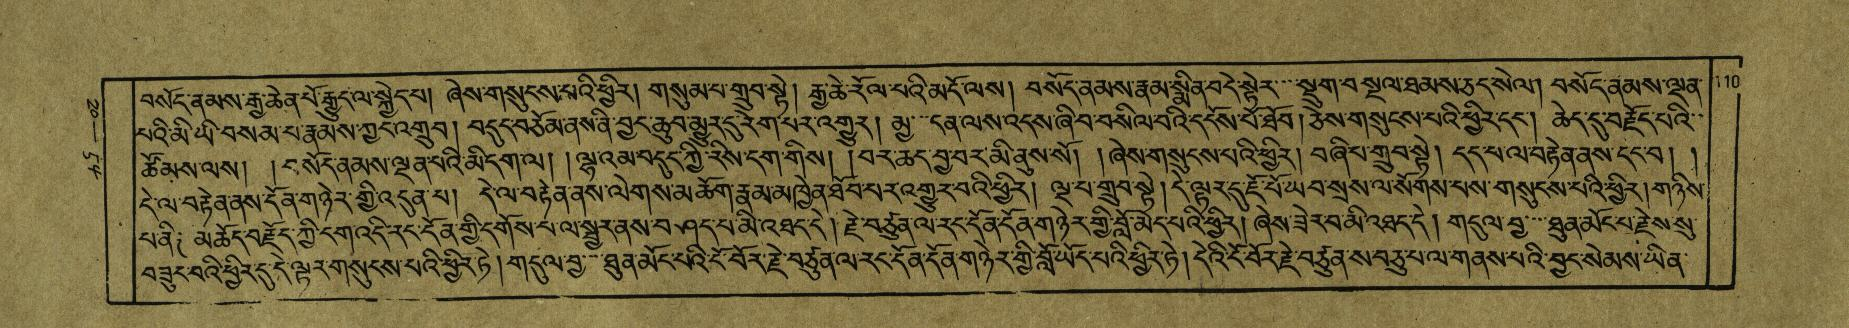བསོད་ནམས་རྒྱ་ཆེན་པོ་རྒྱུད་ལ་སྐྱེད་པ། ཞེས་གསུངས་པའི་ཕྱིར། གསུམ་པ་གྲུབ་སྟེ། རྒྱ་ཆེ་རོལ་པའི་མདོ་ལས། བསོད་ནམས་རྣམ་སྨིན་བདེ་སྟེར་སྡུག་བསྔལ་ཐམས་ཅད་སེལ། བསོད་ནམས་ལྡན་
པའི་མི་ཡི་བསམ་པ་རྣམས་ཀྱང་འགྲུབ། བདུད་བཅོམ་ནས་ནི་བྱང་ཆུབ་མྱུར་དུ་རེག་པར་འགྱུར། མྱ་ངན་ལས་འདས་ཞིབ་བསིལ་བའི་དངོས་པོ་ཐོབ། ཅེས་གསུངས་པའི་ཕྱིར་དང་། ཆེད་དུ་བརྗོད་པའི་
ཚོམས་ལས། །བསོད་ནམས་ལྡན་པའི་མི་དག་ལ། །ལྷ་འམ་བདུད་ཀྱི་རིས་དག་གིས། །བར་ཆད་བྱ་བར་མི་ནུས་སོ། །ཞེས་གསུངས་པའི་ཕྱིར། བཞི་པ་གྲུབ་སྟེ། དད་པ་ལ་བརྟེན་ནས་དང་བ། །
དེ་ལ་བརྟེན་ནས་དོན་གཉེར་གྱི་འདུན་པ། དེ་ལ་བརྟེན་ནས་ལེགས་མཆོག་རྣམ་མཁྱེན་ཐོབ་པར་འགྱུར་བའི་ཕྱིར། ལྔ་པ་གྲུབ་སྟེ། དེ་ལྟར་དུ་ཇོ་པོ་ཡབ་སྲས་ལ་སོགས་པས་གསུངས་པའི་ཕྱིར། གཉིས་
པ་ནི༑ མཆོད་བརྗོད་ཀྱི་ངག་འདི་རང་དོན་གྱི་དགོས་པ་ལ་སྦྱར་ནས་བཤད་པ་མི་འཐད་དེ། རྗེ་བཙུན་ལ་རང་དོན་དོན་གཉེར་གྱི་བློ་མེད་པའི་ཕྱིར། ཞེས་ཟེར་བ་མི་འཐད་དེ། གདུལ་བྱ་ཐུན་མོང་པ་རྗེས་སུ་
བཟུང་བའི་ཕྱིར་དུ་དེ་ལྟར་གསུངས་པའི་ཕྱིར་ཏེ། གདུལ་བྱ་ཐུན་མོང་པའི་ངོ་བོར་རྗེ་བཙུན་ལ་རང་དོན་དོན་གཉེར་གྱི་བློ་ཡོད་པའི་ཕྱིར་ཏེ། དེའི་ངོ་བོར་རྗེ་བཙུན་ས་བཅུ་པ་ལ་གནས་པའི་བྱང་སེམས་ཡིན་